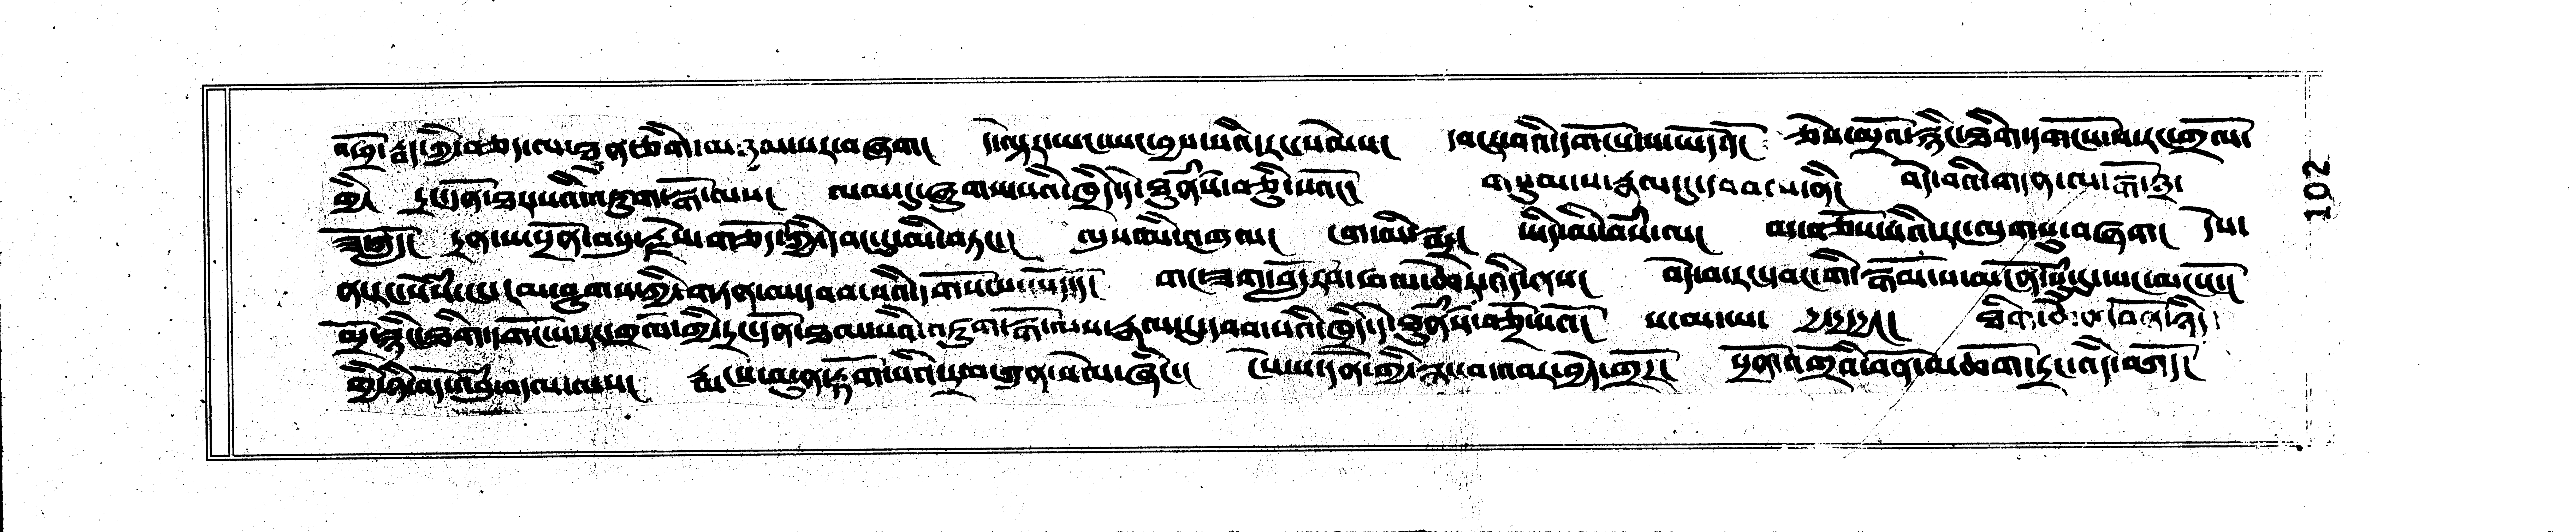འཕྲོ་རྦད་ཀྱིས་བཅད་ལ་ཐུན་གཅིག་མཉམ་པར་བཞག དེ་ལྟར་ཡང་ཡང་བྱས་པའི་རང་སེམས་དབང་བསྒྱུར་བའི་དགོས་པ་ཡོད་དོ། །ཞེས་མཁའ་འགྲོ་སྙིང་ཐིག་དགོངས་པ་རང་གྲོལ་
གྱི་དྲང་དོན་ཐར་པའི་འཇུག་སྒོ་ལས། ལམ་དུ་ཞུགས་པའི་ཁྲིད་དེ་ཐུན་མཚམས་བཅུ་བཞི་པའོ།། །།གསུམ་པ་རྣལ་དུ་དབབ་པ་ནི། བདེ་བའི་གདན་ལ་སྒོ་གསུམ་
ཟོ་གློད། དྲན་པ་སྔོན་བསུ་རྗེས་གཅོད་ཀྱི་དབང་དུ་མི་གཏོང་། ལུས་མི་འགུལ། ངག་མི་སྨྲ། ཡིད་མི་བསམ་ལ། མ་བཅོས་པའི་རང་ལུགས་སུ་བཞག དེས་
ན་རང་སེམས་ངམ་ངམ་ཤུགས་ཀྱིས་གཏན་ལ་དབབ་པའི་དགོས་པ་ཡོད་དོ། །གང་ཟག་བློ་རབ་ཕལ་ཆེར་འདི་ནས་བདེ་བ་རང་དབང་གི་སྒོམ་པ་མངོན་སུམ་དུ་ཡང་མང་ངོ་། །
མཁའ་འགྲོ་སྙིང་ཐིག་དགོངས་པ་རང་གྲོལ་གྱི་དྲང་དོན་ཐར་པའི་འཇུག་སྒོ་ལས། རྣལ་དུ་དབབ་པའི་ཁྲིད་དེ་ཐུན་མཚམས་བཅོ་ལྔ་པའོ།། །།ས་མ་ཡ། རྒྱ་རྒྱ་རྒྱ། ཐེག་ཆེན་བོན་ཉིད་
ཀྱི་ཉི་འོད་འབུམ་བདལ་ལས། །རྨོངས་མུན་རྟོག་པའི་དྲྭ་བ་ཀུན་སེལ་ཞིང་། །ངེས་པ་དོན་གྱི་སྣང་བ་འབར་བྱེད་གྲོགས། །སྔོན་འགྲོའི་བོན་མཆོག་དྲང་༼དོན༽འདི་བཀོད།